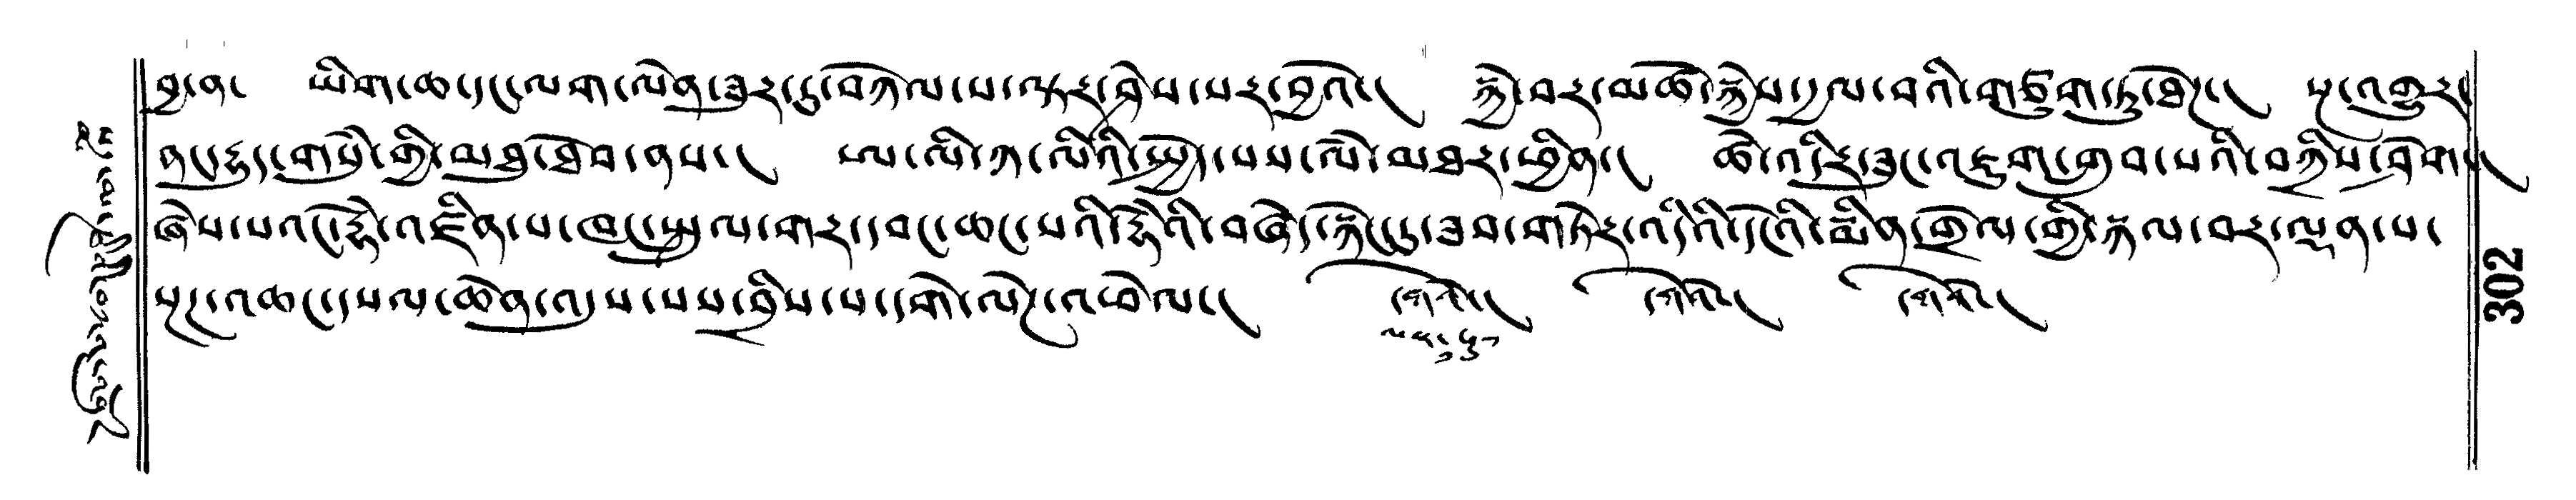བྱ་ན། ཡིག་ཆ་དང་ལག་ལེན་ཟུར་དུ་བཀོལ་པ་ལྟར་ཤེས་པར་བྱའོ། སྐྱེ་བར་མཚོ་སྐྱེས་རྒྱལ་བ་གཙུག་ཏུ་ཐོགས། །སྔ་འགྱུར་
ནང་རྒྱུད་གསུམ་གྱི་མཐུ་ཐོབ་ནས། །ཨ་ལི་ཀ་ལིའི་སྤྱོད་པས་ལམ་མཐར་ཕྱིན། །ཚེ་འདིར་ཟུང་འཇུག་འགྲུབ་པའི་བཀྲ་ཤིས་ཤོག 
ཞེས་པའང་རྡོ་རྗེ་འཛིན་པ་ཁང་སྤྲུལ་གར་དབང་ཆགས་པའི་རྡོ་རྗེའི་བཞེད་སྐོང་དུ་ཟབ་གཏེར་འདིའི་དང་པོའི་སྨིན་གྲོལ་གྱི་སྐལ་བར་ལྡན་པ་
སྔགས་འཆང་དཔལ་ཆེན་འདུས་པས་བྲིས་པ་དགེ་ལེགས་འཕེལ།། བཀྲ་ཤིས།།